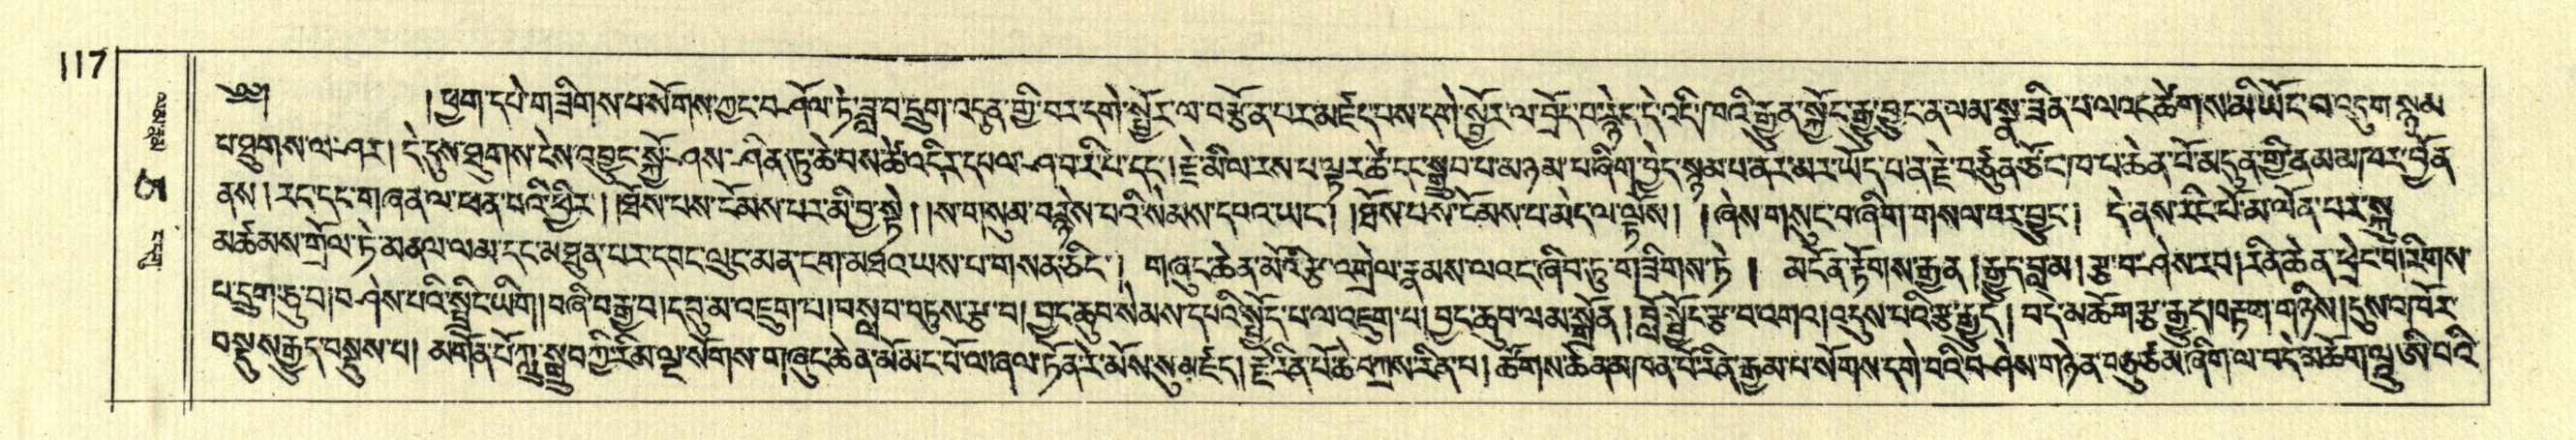༄༅། །ཕྱག་དཔེ་གཟིགས་པ་སོགས་ཀྱང་བཤོལ་ཏེ་ཟླ་བ་དྲུག་འདུན་གྱི་བར་དགེ་སྤྱོར་ལ་བརྩོན་པར་མཛད་པས་དགེ་སྦྱོར་ལ་བྲོད་པ་རྙེད་དེ་འདི་ཁའི་རྒྱུན་སྐྱོང་རྒྱུ་བྱུང་ན་ལམ་སྣ་ཟིན་པ་ལའང་ཚེགས་མི་ཡོང་བ་འདུག་སྙམ་
པ་ཐུགས་ལ་ཤར། དེ་དུས་ཐུགས་ངེས་འབྱུང་སྐྱོ་ཤས་ཤིན་ཏུ་ཆེ་བས་ཚེ་འདིར་དཔལ་ཤ་བ་རི་པ་དང་། རྗེ་མི་ལ་རས་པ་ལྟར་ཚེ་དང་སྒྲུབ་པ་མཉམ་པ་ཞིག་བྱེད་སྙམ་པ་ནར་མར་ཡོད་པ་ན་རྗེ་བཙུན་ཙོང་ཁ་པ་ཆེན་པོ་མདུན་གྱི་ནམ་མཁར་བྱོན་
ནས། རང་དང་གཞན་ལ་ཕན་པའི་ཕྱིར། །ཐོས་པས་ངོམས་པར་མི་བྱ་སྟེ། །ས་གསུམ་བརྙེས་པའི་སེམས་དཔའ་ཡང་། །ཐོས་པས་ངོམས་པ་མེད་ལ་ལྟོས། །ཞེས་གསུང་བ་ཞིག་གསལ་བར་བྱུང་། དེ་ནས་རིང་པོ་མ་ལོན་པར་སྐུ་
མཚམས་གྲོལ་ཏེ་མནལ་ལམ་དང་མཐུན་པར་དབང་ལུང་མན་ངག་མཐའ་ཡས་པ་གསན་ཅིང་། གཞུང་ཆེན་མོའི་རྩི་འགྲེལ་རྣམས་ལའང་ཞིབ་ཏུ་གཟིགས་ཏེ། མངོན་རྟོགས་རྒྱན་།རྒྱུད་བླ་མ། རྩ་བ་ཤེས་རབ། རིན་ཆེན་ཕྲེང་བ། རིགས་
པ་དྲུག་ཅུ་བ། བཤེས་པའི་སྤྲིང་ཡིག། བཞི་བརྒྱ་བ། དབུ་མ་འཇུག་པ། བསླབ་བཏུས་རྩ་བ། བྱང་ཆུབ་སེམས་དཔའི་སྤྱོད་པ་ལ་འཇུག་པ། བྱང་ཆུབ་ལམ་སྒྲོན། བློ་སྦྱོང་རྩ་བ་འགའ། འདུས་པའི་རྩ་རྒྱུད། བདེ་མཆོག་རྩ་རྒྱུད། བརྟག་གཉིས། དུས་འཁོར་
བསྡུས་རྒྱུད་བསྡུས་པ། མགོན་པོ་ཀླུ་སྒྲུབ་ཀྱི་རིམ་ལྔ་སོགས་གཞུང་ཆེན་མོ་མང་པོ་ལ་ཞལ་ཏོན་རེ་མོས་སུ་མཛད། རྗེ་རིན་པོ་ཆེ་བཀྲས་རིན་པ། ཚོགས་ཆེན་མཁན་པོ་རིན་རྒྱམ་པ་སོགས་དགེ་བའི་བཤེས་གཉེན་བཅུ་ཙམ་ཞིག་ལ་བདེ་མཆོག་ལཱུ་ཨི་བའི་